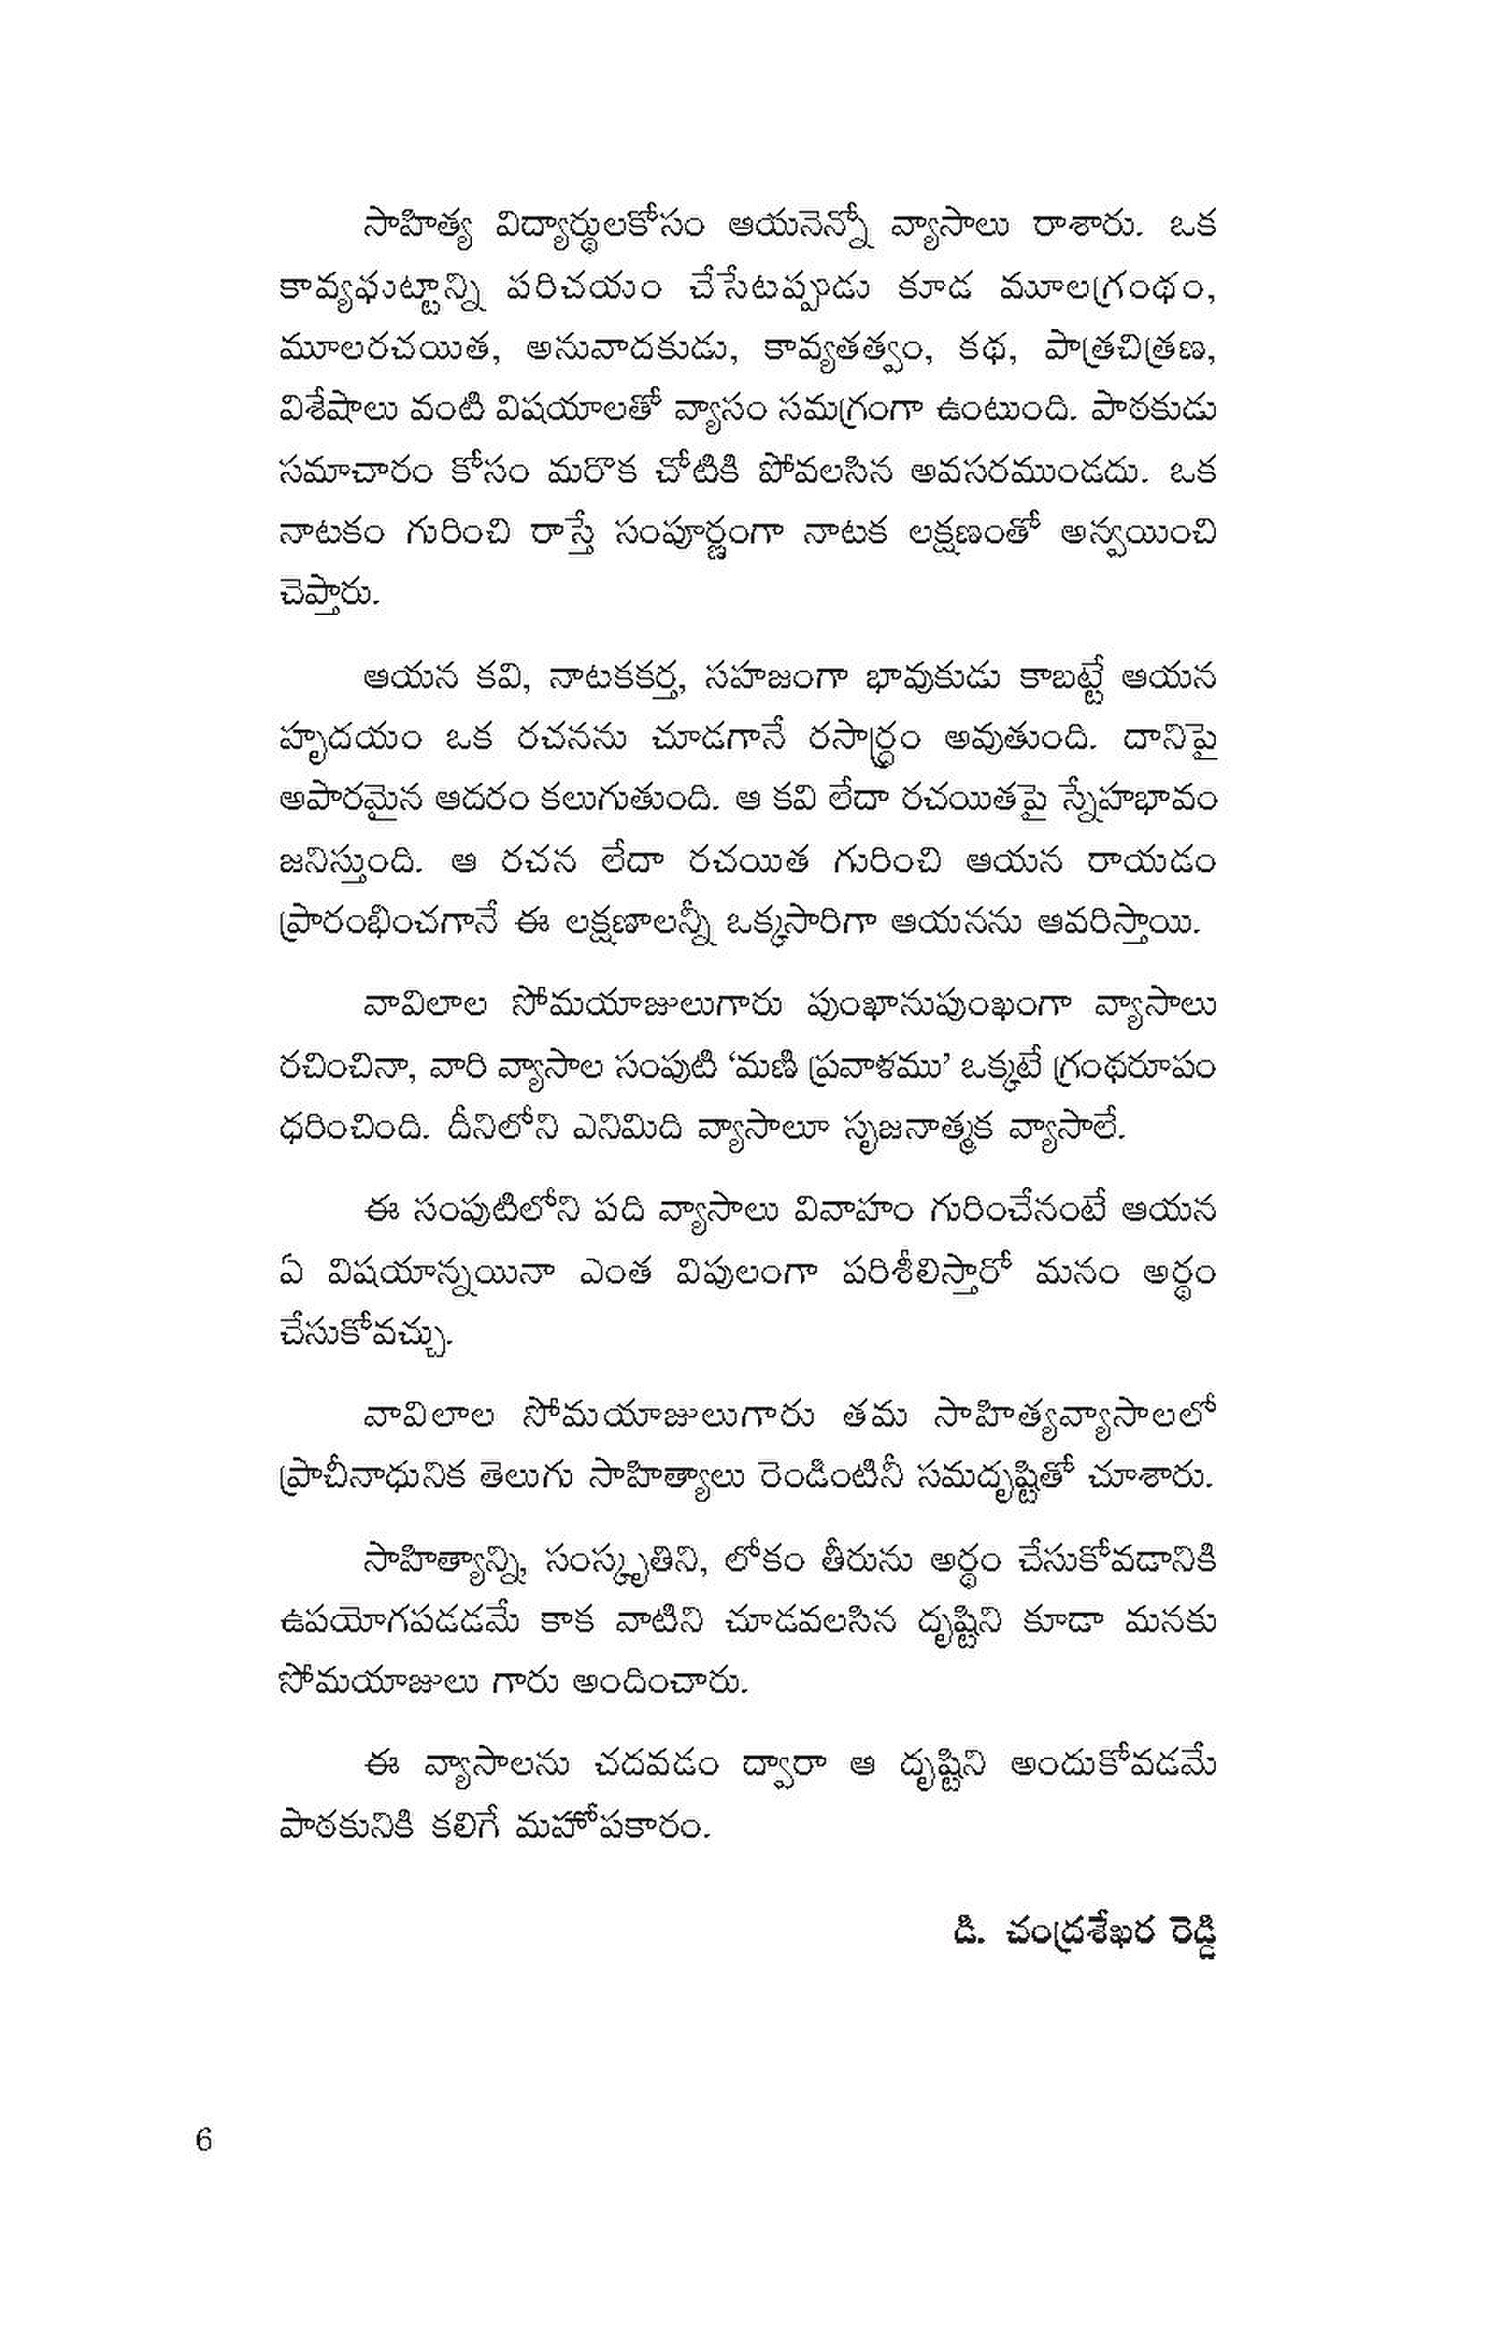సాహిత్య విద్యార్థులకోసం ఆయనెన్నో వ్యాసాలు రాశారు. ఒక
కావ్యఘట్టాన్ని పరిచయం చేసేటప్పుడు కూడ మూలగ్రంథం,
మూలరచయిత, అనువాదకుడు, కావ్యతత్వం, కథ, పాత్రచిత్రణ,
విశేషాలు వంటి విషయాలతో వ్యాసం సమగ్రంగా ఉంటుంది. పాఠకుడు
సమాచారం కోసం మరొక చోటికి పోవలసిన అవసరముండదు. ఒక
నాటకం గురించి రాస్తే సంపూర్ణంగా నాటక లక్షణంతో అన్వయించి
చెప్తారు.

ఆయన కవి, నాటకకర్త, సహజంగా భావుకుడు కాబట్టే ఆయన
హృదయం ఒక రచనను చూడగానే రసార్ద్రం అవుతుంది. దానిపై
అపారమైన ఆదరం కలుగుతుంది. ఆ కవి లేదా రచయితపై స్నేహభావం
జనిస్తుంది. ఆ రచన లేదా రచయిత గురించి ఆయన రాయడం
ప్రారంభించగానే ఈ లక్షణాలన్నీ ఒక్కసారిగా ఆయనను ఆవరిస్తాయి.

వావిలాల సోమయాజులుగారు పుంఖానుపుంఖంగా వ్యాసాలు
రచించినా, వారి వ్యాసాల సంపుటి 'మణి ప్రవాళము' ఒక్కటే గ్రంథరూపం
ధరించింది. దీనిలోని ఎనిమిది వ్యాసాలూ సృజనాత్మక వ్యాసాలే.

ఈ సంపుటిలోని పది వ్యాసాలు వివాహం గురించేనంటే ఆయన
ఏ విషయాన్నయినా ఎంత విపులంగా పరిశీలిస్తారో మనం అర్థం
చేసుకోవచ్చు.

వావిలాల సోమయాజులుగారు తమ సాహిత్యవ్యాసాలలో
ప్రాచీనాధునిక తెలుగు సాహిత్యాలు రెండింటినీ సమదృష్టితో చూశారు.

సాహిత్యాన్ని, సంస్కృతిని, లోకం తీరును అర్థం చేసుకోవడానికి
ఉపయోగపడడమే కాక వాటిని చూడవలసిన దృష్టిని కూడా మనకు
సోమయాజులు గారు అందించారు.

ఈ వ్యాసాలను చదవడం ద్వారా ఆ దృష్టిని అందుకోవడమే
పాఠకునికి కలిగే మహోపకారం.